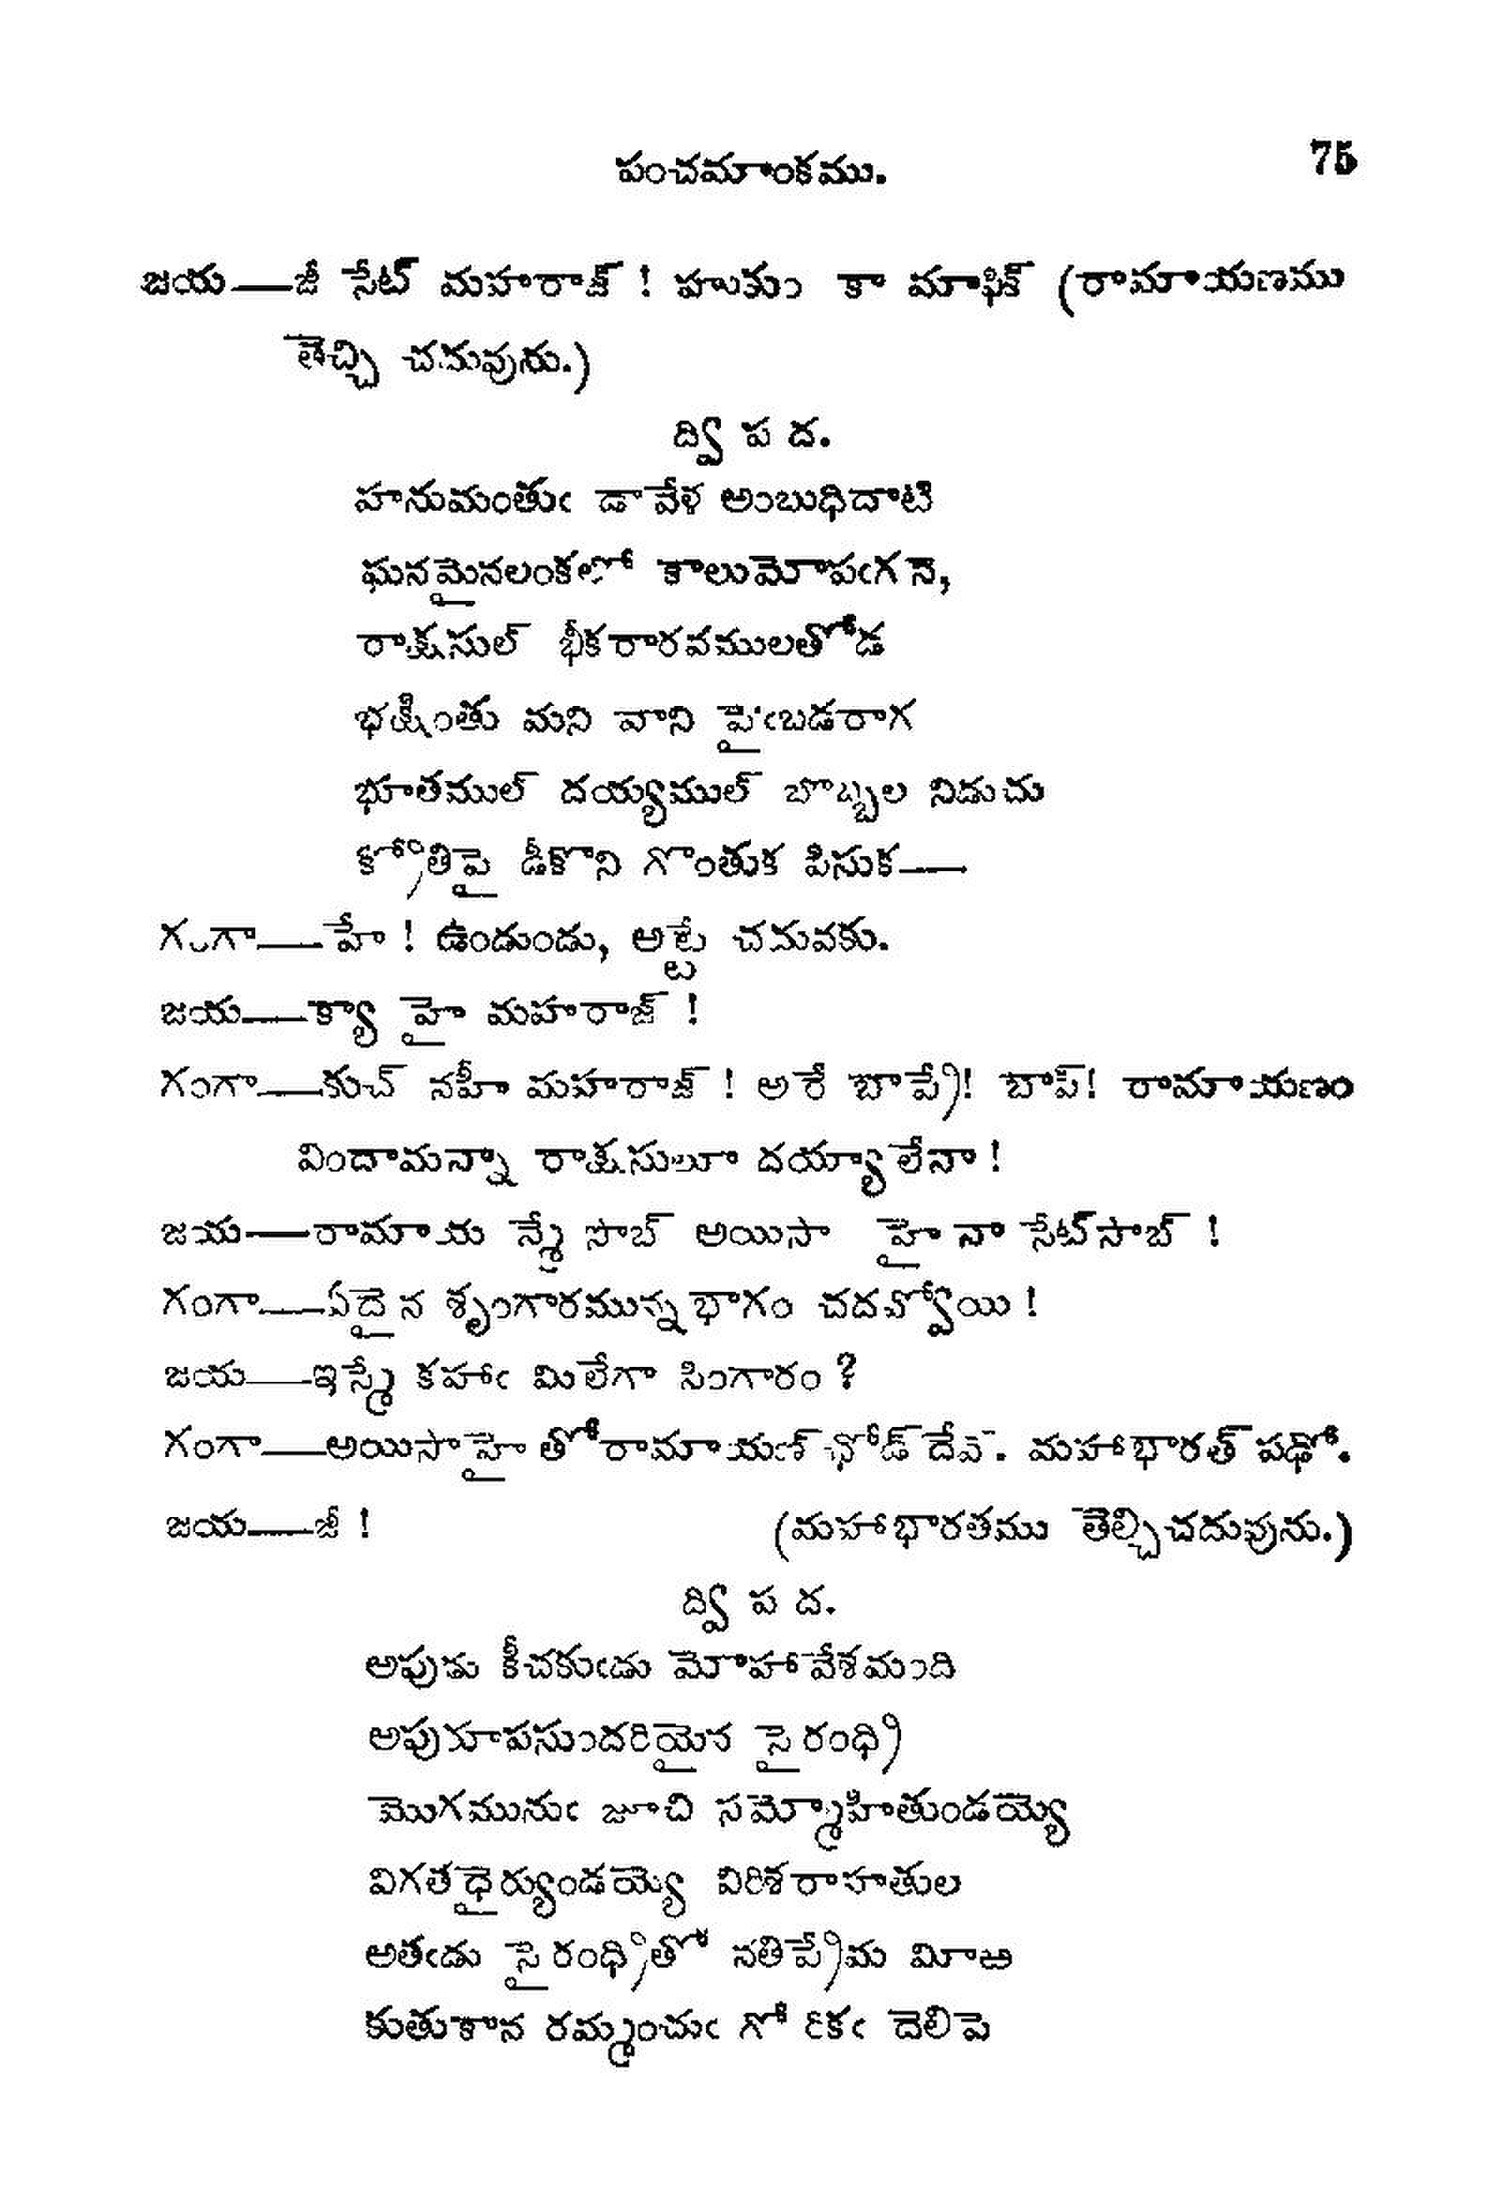జయ – జీ సేట్ మహరాజ్ ! హుకుం కా మాఫిక్ (రామాయణము తెచ్చి చదువును.)

హనుమంతుఁ డావేళ అంబుధిదాటి
ఘనమైనలంకలో కాలుమోపఁగనె,
రాక్షసుల్ భీకరారవములతోడ
భక్షింతు మని వాని పైఁబడరాగ
భూతముల్ దయ్యముల్ బొబ్బల నిడుచు
క్రోతిపై డీకొని గొంతుక పిసుక--
గంగా - హే ! ఉండుండు, అట్టే చదువకు.

జయ - క్యా హై మహరాజ్ !

గంగా - కుచ్ నహీ మహరాజ్ ! అరే బాప్రే! బాప్! రామాయణం విందామన్నా రాకుసులూ దయ్యాలేనా!

జయ – రామాయ న్మే సొబ్ అయిసా హైనా సేట్‌సాబ్ !

గంగా -- ఏదైన శృంగారమున్నభాగం చదవ్వోయి !

జయ - ఇస్మే కహాఁ మిలేగా సింగారం ?

గంగా - అయిసాహై తో రామాయణ్ ఛోడ్ దేవ్'. మహాభారత్ పఢో.

జయ - జీ!

అపుడు కీచకుఁడు మోహావేశమంది
అపురూపసుందరియైన సైరంధ్రి
మొగమునుఁ జూచి సమ్మోహితుండయ్యె
విగతధైర్యుండయ్యె విరిశరాహతుల
అతఁడు సైరంధ్రితో నతిప్రేమ మీఱ
కుతుకాన రమ్మంచుఁ గోరికఁ దెలిపె